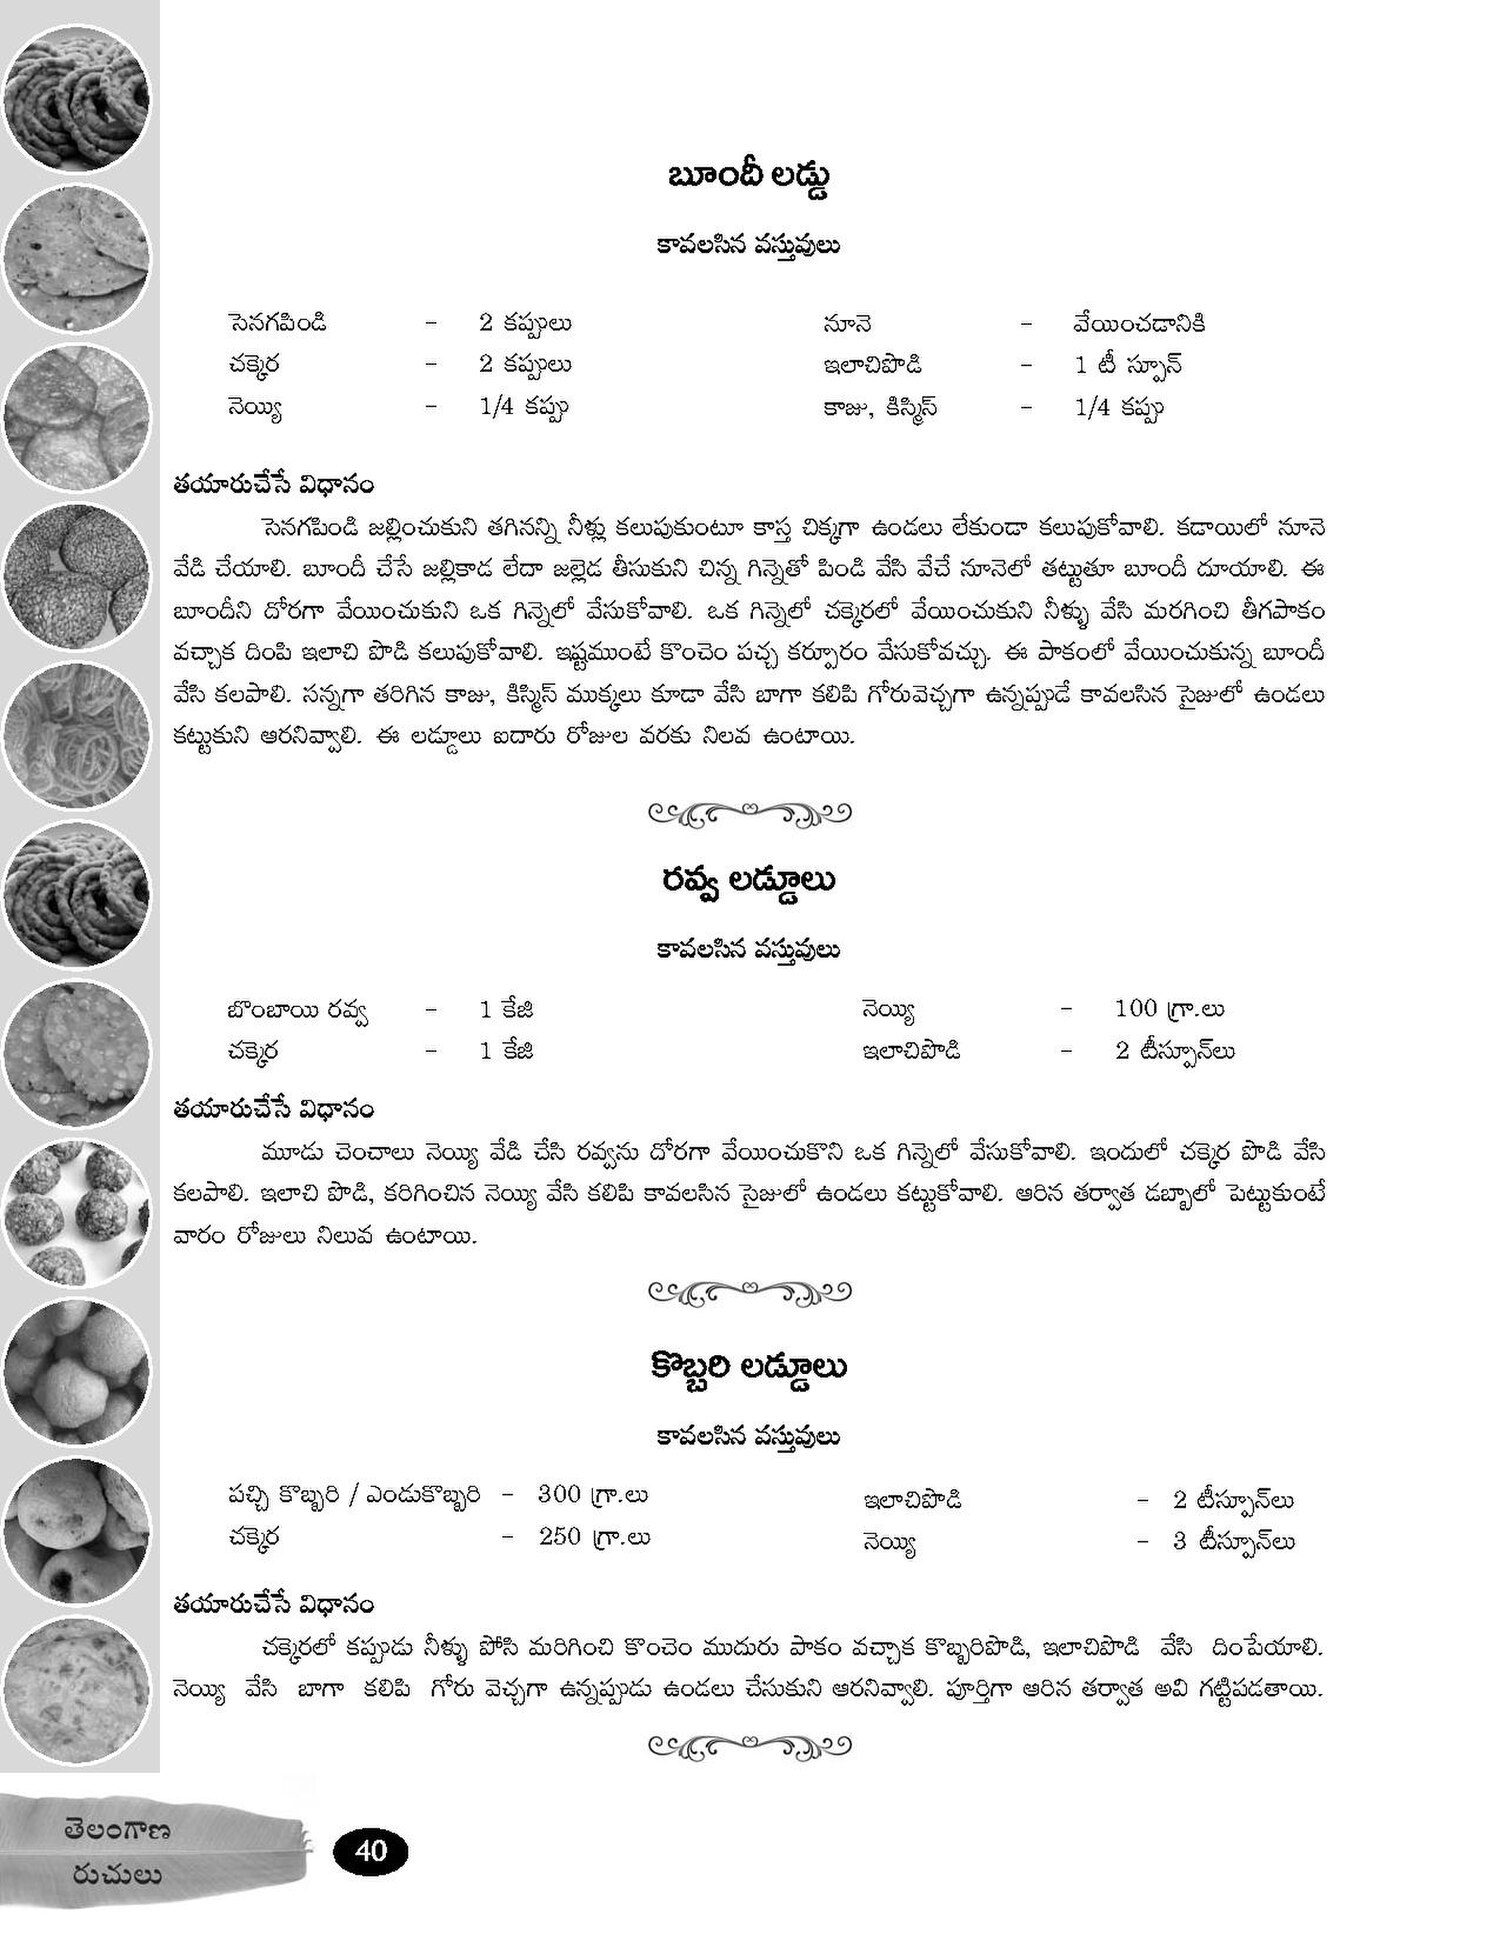+ కావలసిన వస్తువులు సెనగపిండి 2 కప్పులు నెయ్యి 1/4 కప్పు చక్కెర 2 కప్పులు కజు, కిస్మిస్ 1/4 కప్పు ఇలాచి పొడి 1 టీస్పూన్ నూనె వేయించడానికి

తయారుచేసే విధానం 

సెనగపిండి జల్లించుకుని తగినన్ని నీళ్లు కలుపుకుంటూ కాస్త చిక్కగా ఉండలు లేకుండా కలుపుకోవాలి. కడాయిలో నూనె
వేడి చేయాలి. బూందీ చేసే జల్లికాడ లేదా జల్లెడ తీసుకుని చిన్న గిన్నెతో పిండి వేసి వేచే నూనెలో తట్టుతూ బూందీ దూయాలి. ఈ బూందీని దోరగా వేయించుకుని ఒక గిన్నెలో వేసుకోవాలి. ఒక గిన్నెలో చక్కెరలో వేయించుకుని నీళ్ళు వేసి మరగించి తీగపాకం వచ్చాక దింపి ఇలాచి పొడి కలుపుకోవాలి. ఇష్టముంటే కొంచెం పచ్చ కర్పూరం వేసుకోవచ్చు. ఈ పాకంలో వేయించుకున్న బూందీ వేసి కలపాలి. సన్నగా తరిగిన కాజు, కిస్మిస్ ముక్కలు కూడా వేసి బాగా కలిపి గోరువెచ్చగా ఉన్నప్పుడే కావలసిన సైజులో ఉండలు కట్టుకుని ఆరనివ్వాలి. ఈ లడ్డూలు ఐదారు రోజుల వరకు నిలవ ఉంటాయి.

+ కావలసిన వస్తువులు బొంబాయి రవ్వ 1 కేజి నెయ్యి 100 గ్రా.లు చక్కెర 1 కేజి ఇలాచి పొడి 2 టీస్పూన్లు 

తయారుచేసే విధానం 

మూడు చెంచాలు నెయ్యి వేడి చేసి రవ్వను దోరగా వేయించుకొని ఒక గిన్నెలో వేసుకోవాలి. ఇందులో చక్కెర పొడి వేసి
కలపాలి. ఇలాచి పొడి, కరిగించిన నెయ్యి వేసి కలిపి కావలసిన సైజులో ఉండలు కట్టుకోవాలి. ఆరిన తర్వాత డబ్బాలో పెట్టుకుంటే వారం రోజులు నిలువ ఉంటాయి.

+ కావలసిన వస్తువులు పచ్చి కొబ్బరి / ఎండుకొబ్బరి 300 గ్రా.లు నెయ్యి 3 టీస్పూన్లు చక్కెర 250 గ్రా.లు ఇలాచి పొడి 2 టీస్పూన్లు 

తయారుచేసే విధానం 

చక్కెరలో కప్పుడు నీళ్ళు పోసి మరిగించి కొంచెం ముదురు పాకం వచ్చాక కొబ్బరిపొడి, ఇలాచిపొడి వేసి దింపేయాలి.
నెయ్యి వేసి బాగా కలిపి గోరు వెచ్చగా ఉన్నప్పుడు ఉండలు చేసుకుని ఆరనివ్వాలి. పూర్తిగా ఆరిన తర్వాత అవి గట్టిపడతాయి.